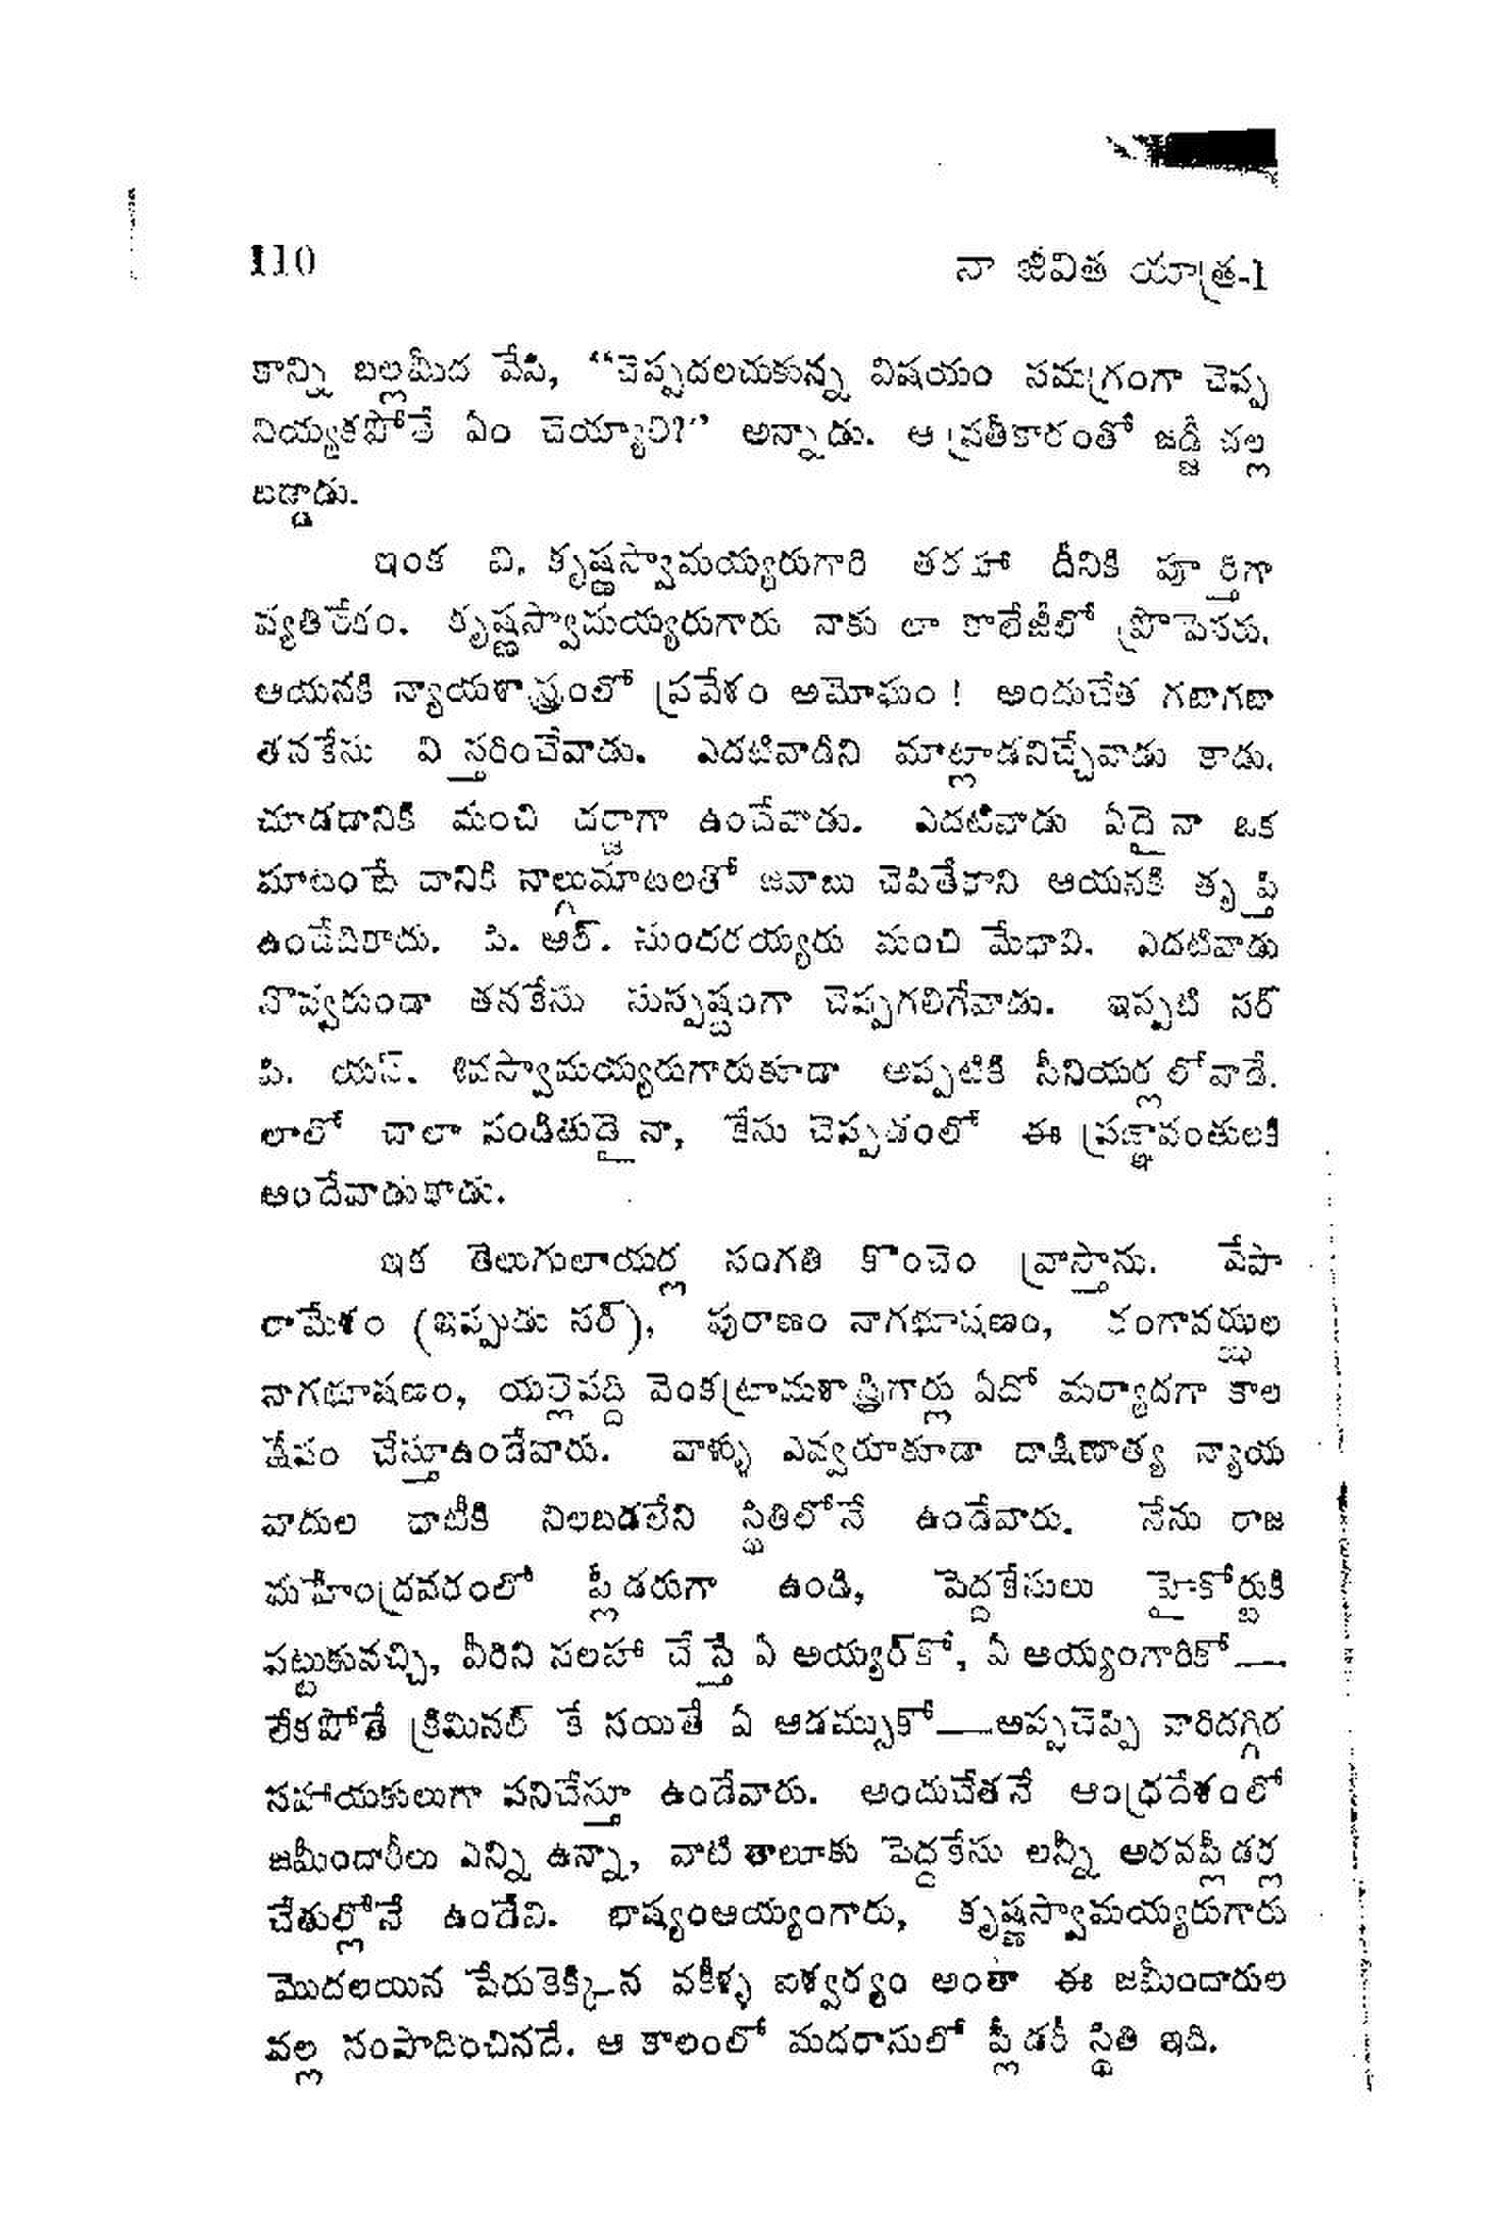కాన్ని బల్లమీద వేసి, "చెప్పదలచుకున్న విషయం సమగ్రంగా చెప్పనియ్యకపోతే ఏం చెయ్యాలి?" అన్నాడు. ఆ ప్రతీకారంతో జడ్జీ చల్లబడ్డాడు.

ఇంక వి. కృష్ణస్వామయ్యరుగారి తరహా దీనికి పూర్తిగా వ్యతిరేకం. కృష్ణస్వామయ్యరుగారు నాకు లా కాలేజీలో ప్రొపెసరు. ఆయనకి న్యాయశాస్త్రంలో ప్రవేశం అమోఘం! అందుచేత గబాగబా తనకేసు విస్తరించేవాడు. ఎదటివాడిని మాట్లాడనిచ్చేవాడు కాడు. చూడడానికి మంచి దర్జాగా ఉండేవాడు. ఎదటివాడు ఏదైనా ఒక మాటంటే దానికి నాల్గుమాటలతో జవాబు చెపితేకాని ఆయనకి తృప్తి ఉండేదికాదు. పి. ఆర్. సుందరయ్యరు మంచి మేధావి. ఎదటివాడు నొవ్వకుండా తనకేసు సుస్పష్టంగా చెప్పగలిగేవాడు. ఇప్పటి సర్ పి. యస్. శివస్వామయ్యరుగారుకూడా అప్పటికి సీనియర్లలో వాడే. లాలో చాలా పండితులైనా, కేసు చెప్పడంలో ఈ ప్రజ్ఞావంతులకి అందేవాడుకాడు.

ఇక తెలుగులాయర్ల సంగతి కొంచెం వ్రాస్తాను. వేపా రామేశం (ఇప్పుడు సర్), పురాణం నాగభూషణం, రంగావఝ్ఝుల నాగభూషణం, యల్లెపద్ది వెంకట్రామశాస్త్రిగార్లు ఏదో మర్యాదగా కాలక్షేపం చేస్తూఉండేవారు. వాళ్ళు ఎవ్వరూకూడా దాక్షిణాత్య న్యాయవాదుల ధాటికి నిలబడలేని స్థితిలోనే ఉండేవారు. నేను రాజమహేంద్రవరంలో ప్లీడరుగా ఉండి, పెద్దకేసులు హైకోర్టుకి పట్టుకువచ్చి, వీరిని సలహా చేస్తే ఏ అయ్యర్‌కో, ఏ అయ్యంగారికో - లేకపోతే క్రిమినల్ కే సయితే ఏ ఆడమ్సుకో - అప్పచెప్పి వారిదగ్గిర సహాయకులుగా పనిచేస్తూ ఉండేవారు. అందుచేతనే ఆంధ్రదేశంలో జమీందారీలు ఎన్ని ఉన్నా, వాటి తాలూకు పెద్దకేసు లన్ని అరవప్లీడర్ల చేతుల్లోనే ఉండేవి. భాష్యంఅయ్యంగారు, కృష్ణస్చామయ్యరుగారు మొదలయిన పేరుకెక్కిన వకీళ్ళ ఐశ్వర్యం అంతా ఈ జమీందారుల వల్ల సంపాదించినదే. ఆ కాలంలో మదరాసులో ప్లీడరీ స్థితి ఇది.